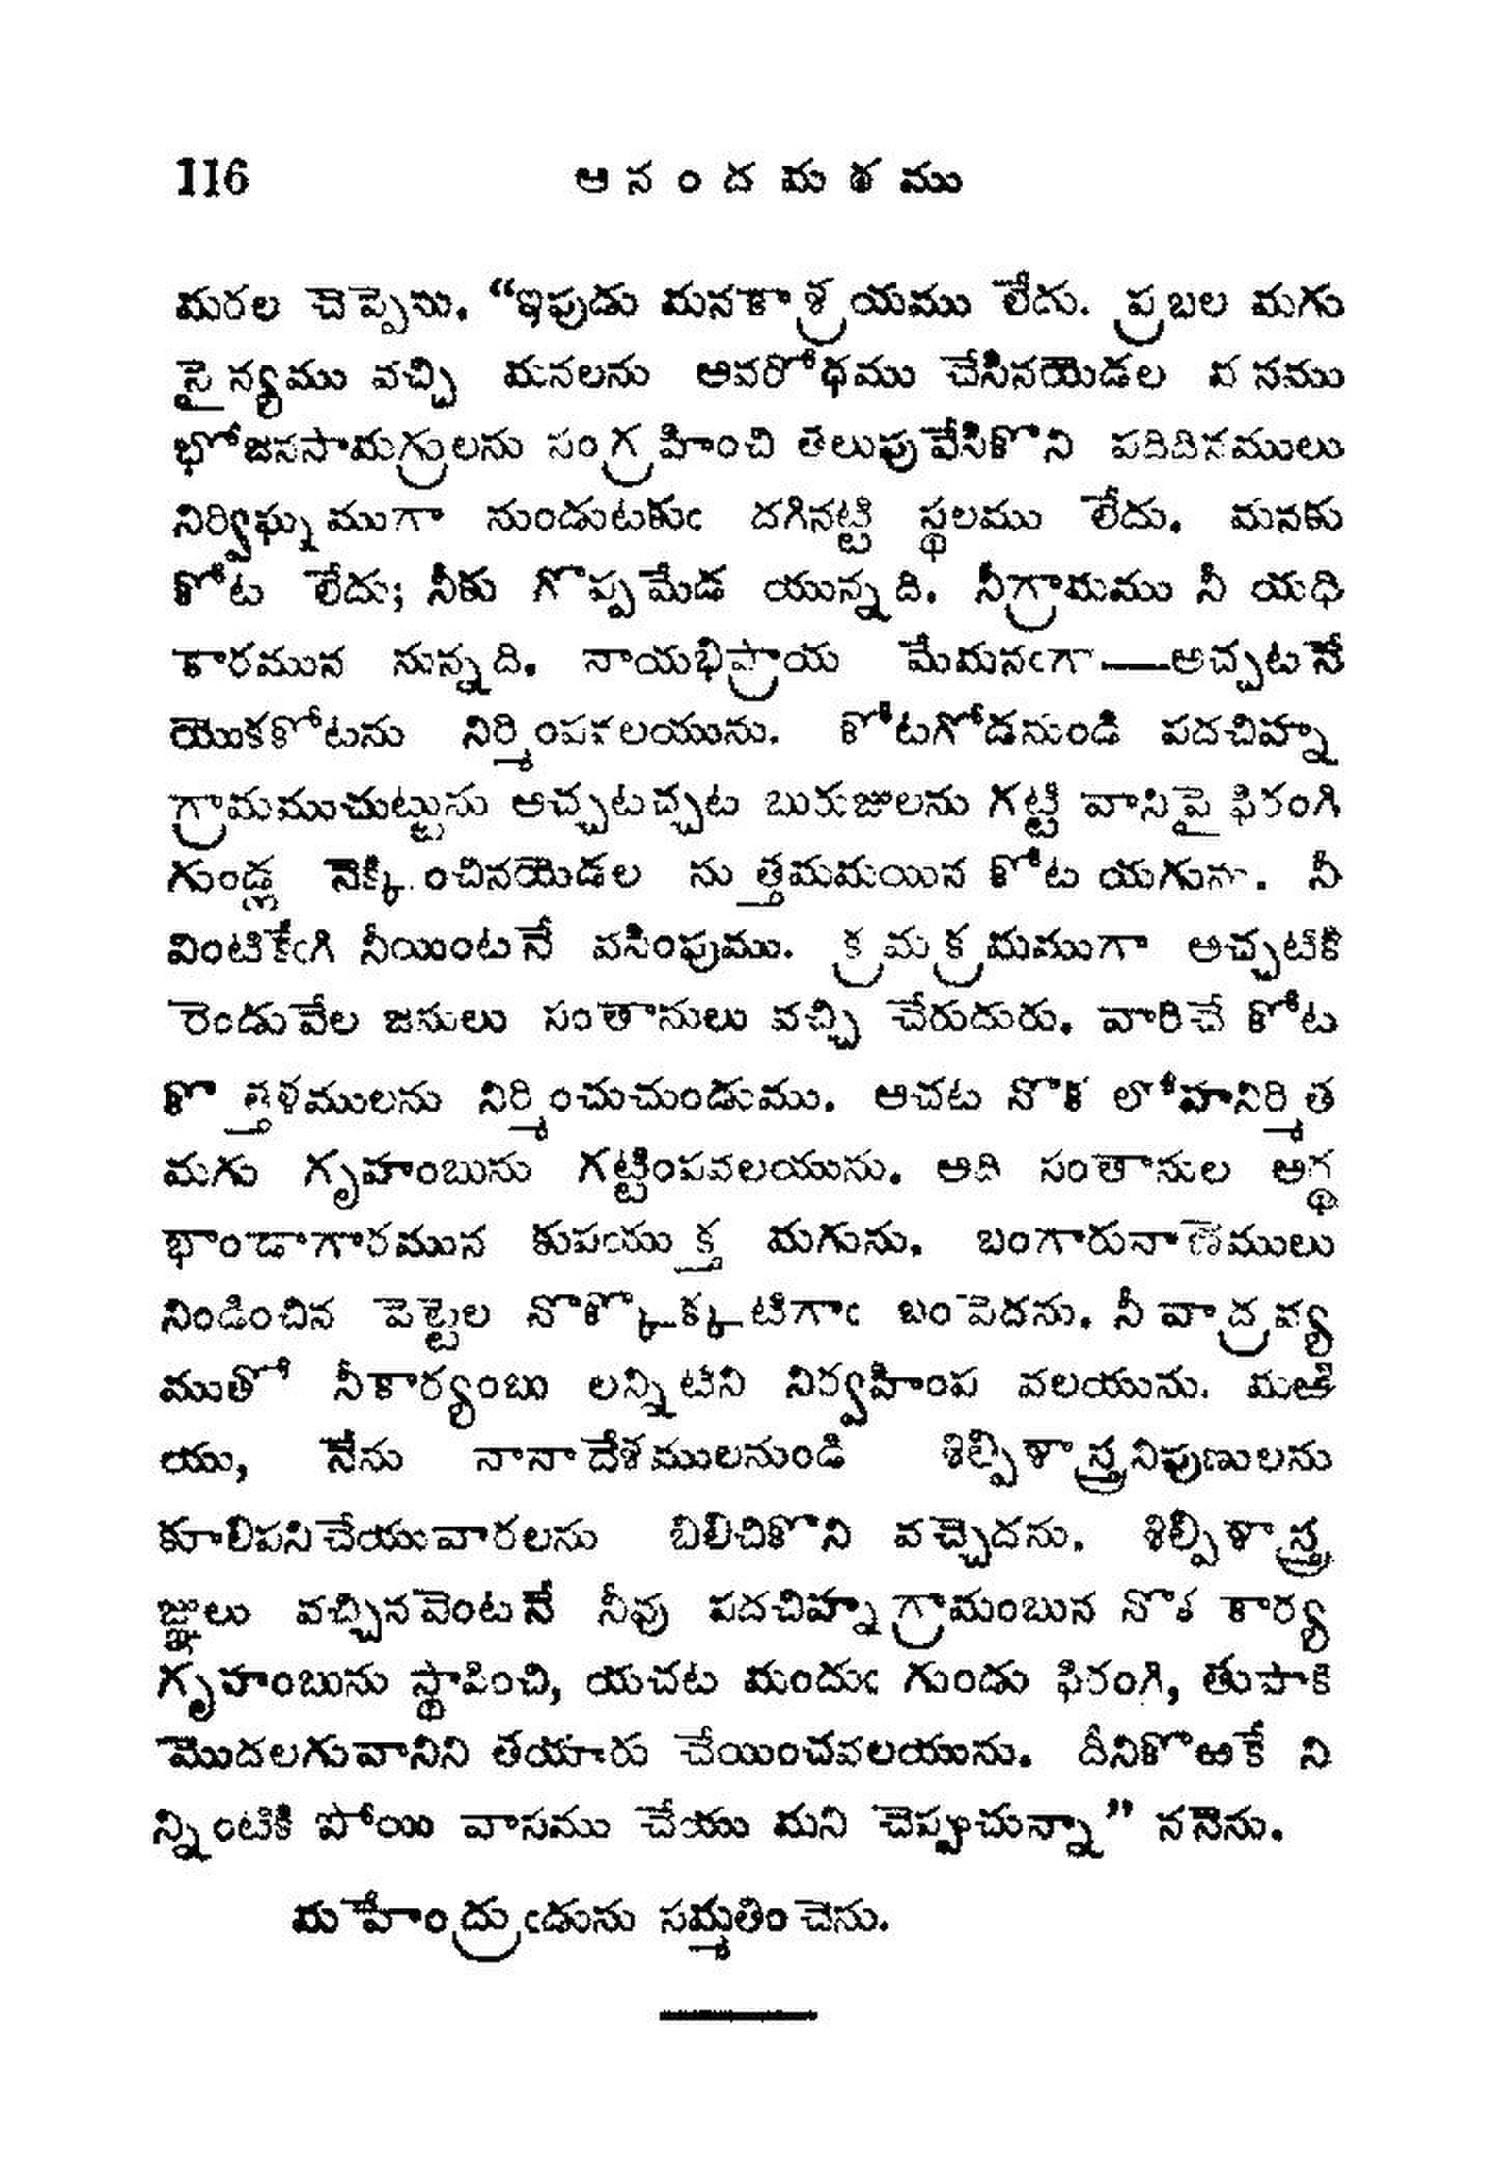116ఆనందమఠము

మరల చెప్పెను. “ఇపుడు మనకాశ్రయము లేదు.ప్రబల మగు సైన్యము వచ్చి మనలను అవరోధము చేసినయెడల మనము భోజన సామగ్రులను సంగ్రహించి తలుపు వేసికొని పదిదినములు నిర్విఘ్నముగా నుండుటకుఁ దగినట్టి స్థలము 'లేదు. మనకు కోట "లేదు; నీకు గొప్ప మేడ యున్నది. నీగ్రామము నీ యధికారమున నున్నది. నాయభిప్రాయ మేమనఁగా—— అచ్చటనే యొక కోటను నిర్మింపవలయును. కోటగోడనుండి పదచిహ్న గ్రామముచుట్టును అచ్చటచ్చట బురుజులను గట్టి వానిపై ఫిరంగి గుండ్ల నెక్కించినయెడల నుత్తమమయిన కోట యగును. నీవింటి కేఁగి నీయింటనే వసింపుము. క్రమక్రమముగా అచ్చటికి రెండు వేల జనులు సంతానులు వచ్చి చేరుదురు. వారిచే కోట కొత్తళములను నిర్మించు చుండుము. అచట నొక లోహనిర్మితమగు గృహంబును గట్టింపవలయును. అది సంతానుల అర్థ భాండాగారమున కుపయుక్త మగును, బంగారునాణెములు నిండించిన పెట్టెల నొక్కొక్కటిగాఁ బంపెదను. నీవాద్రవ్యముతో నీ కార్యంబు లన్నిటిని నిర్వహింప వలయును. మఱియు, నేను నానాదేశములనుండి శిల్పీశాస్త్ర నిపుణులను కూలిపని చేయువారలను బిలిచికొని వచ్చెదను, శిల్పశాస్త్రజ్జులు వచ్చిన వెంటనే నీవు పదచిహ్న గ్రామంబున నొక కార్య గృహంబును స్థాపించి, యచట మందుఁ గుండు ఫిరంగి, తుపాకి మొదలగువానిని తయారు చేయించవలయును. దీనికొఱకే నిన్నింటికి పోయి వాసము చేయుమని చెప్పుచున్నా" ననెను.

మహేంద్రుఁడును సమ్మతించెను.